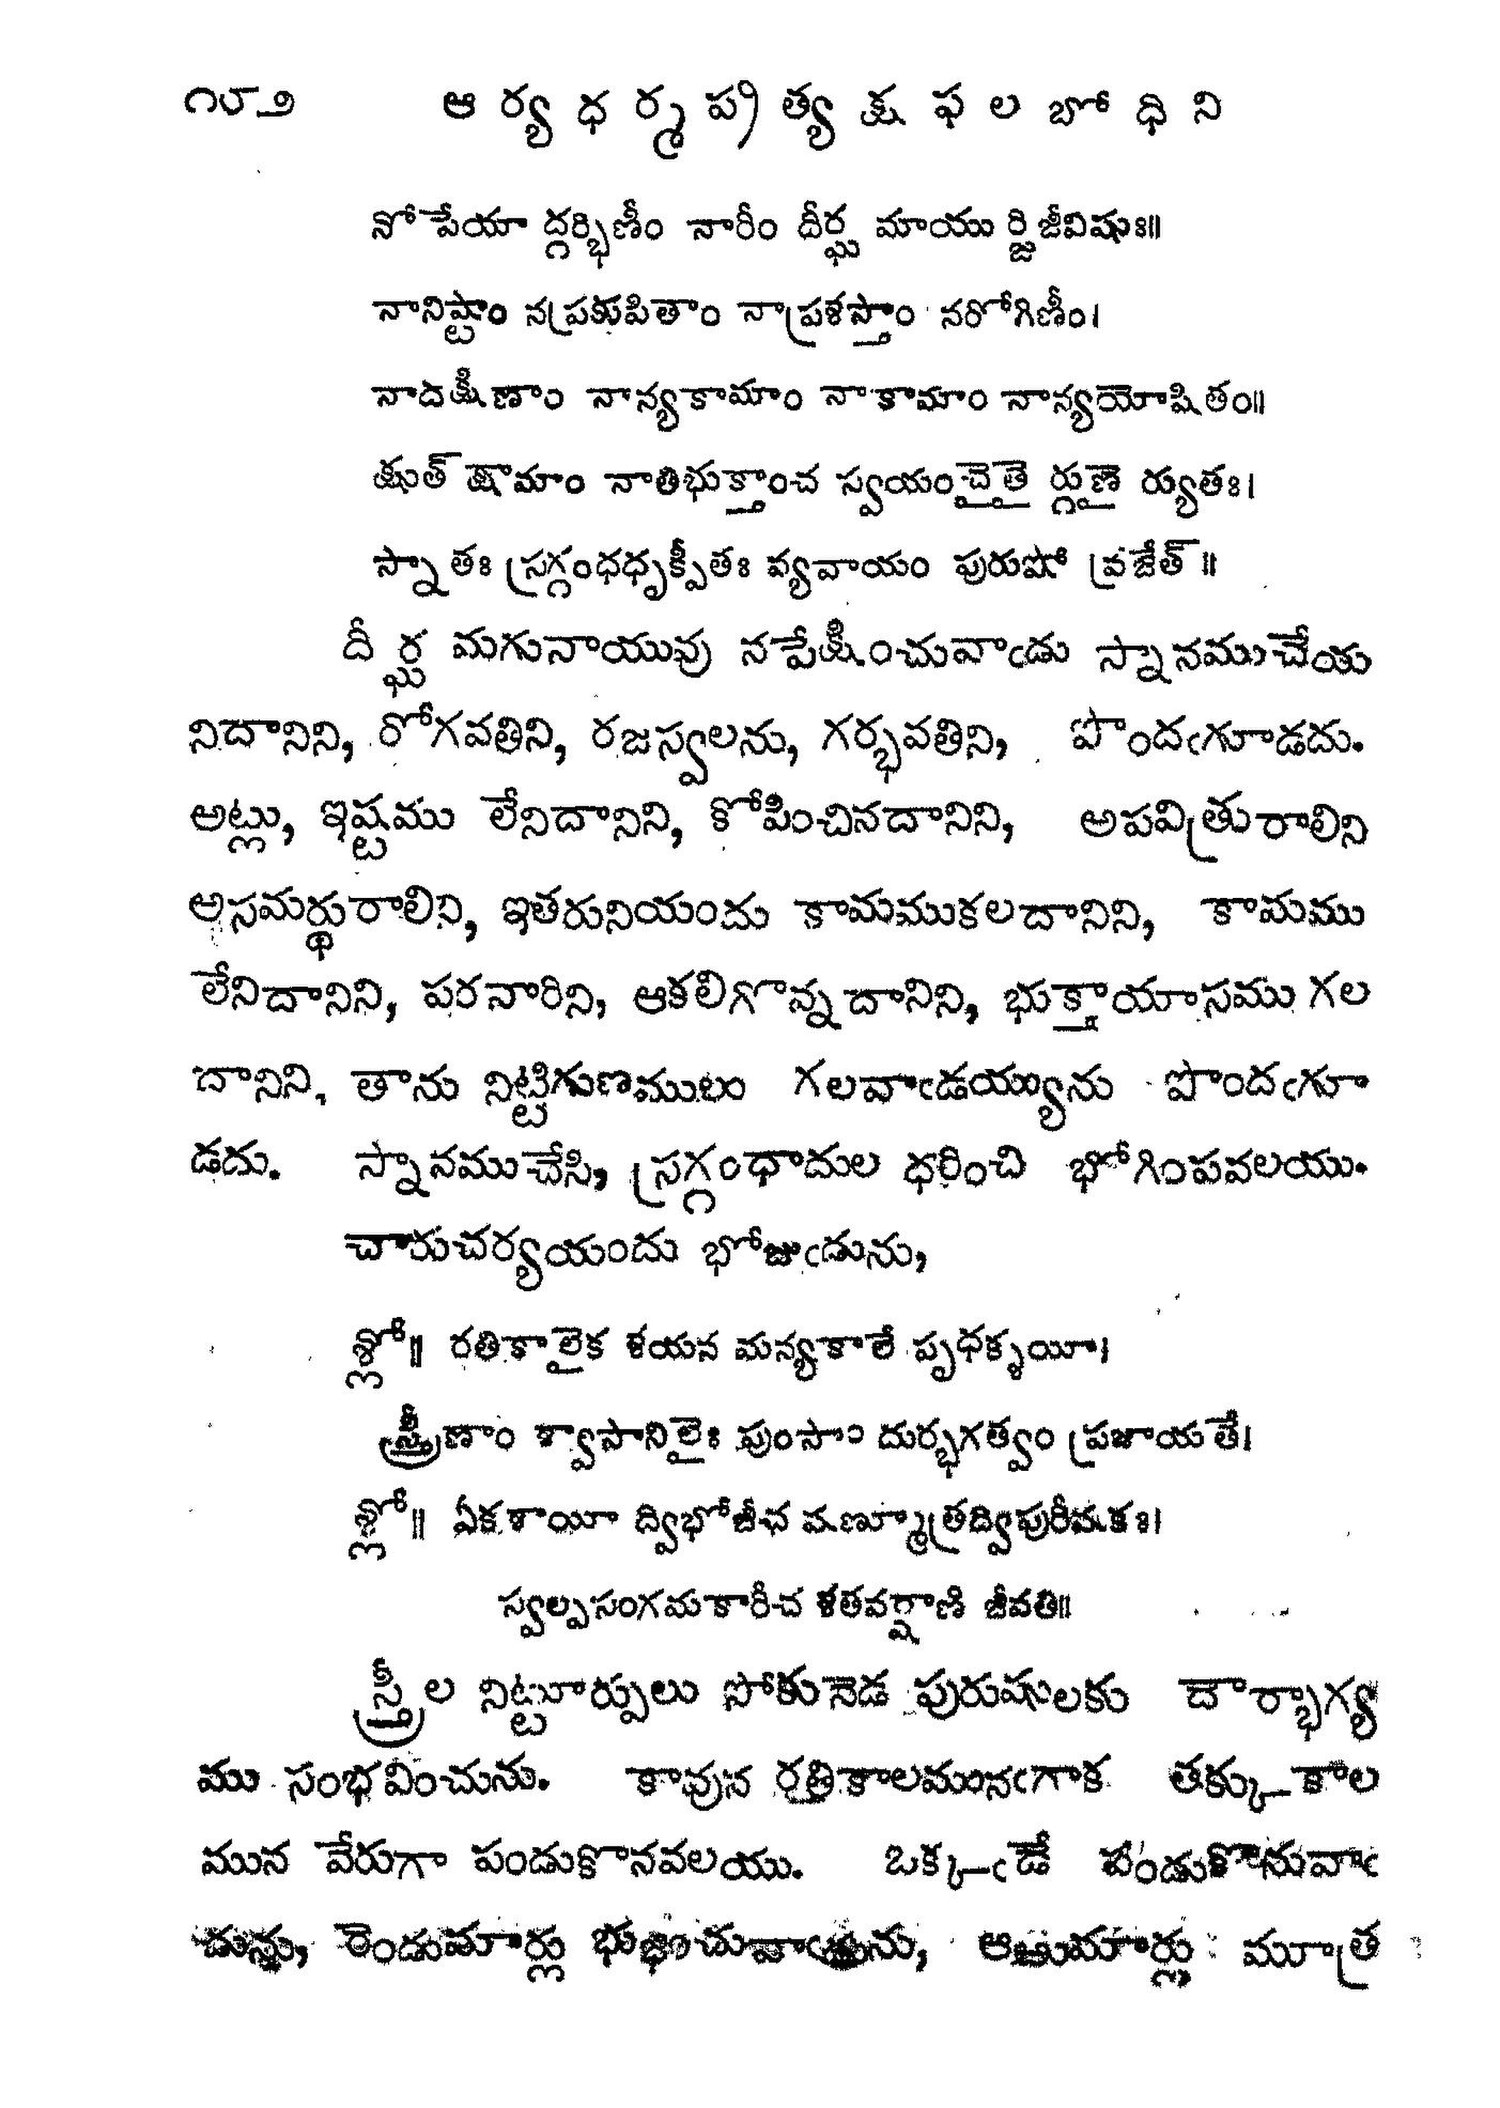నోపేయా ద్గర్భిణీం నారీం దీర్ఘ మాయుర్జిజీవిషుః॥
నానిష్టాం నప్రకుపితాం నాప్రశస్తాం నరోగిణీం।
నాదక్షీణాం నాన్యకామాం నాకామాం నాన్యయోషితం॥
క్షుత్ క్షామాం నాతిభుక్తాంచ స్వయంచైతై ర్గుణై ర్యుతః!
స్నాతః స్రగ్గంధధృక్పీతః వ్యవాయం పురుషో వ్రజేత్ ॥

దీర్ఘ మగునాయువు నపేక్షించువాఁడు స్నానముచేయనిదానిని, రోగవతిని, రజస్వలను, గర్భవతిని, పొందఁగూడదు. అట్లు, ఇష్టము లేనిదానిని, కోపించినదానిని, అపవిత్రురాలిని అసమర్థురాలిని, ఇతరునియందు కామముకలదానిని, కామములేనిదానిని, పరనారిని, ఆకలిగొన్నదానిని, భుక్తాయాసము గలదానిని, తాను నిట్టిగుణములు గలవాఁడయ్యను పొందఁగూడదు. స్నానముచేసి, స్రగ్గంధాదుల ధరించి భోగింపవలయు. చారుచర్యయందు భోజుఁడును,

శ్లో॥ రతికాలైక శయన మన్యకాలే పృధక్శయీ!
 స్త్రీణాం శ్వాసానిలైః పుంసాం దుర్భగత్వం ప్రజాయతే!

శ్లో॥ ఏకశాయీ ద్విభోజీఛ షణ్మూత్రద్విపురీషకః।
 స్వల్పసంగమకారీచ శతవర్షాణి జీవతి॥

స్త్రీల నిట్టూర్పులు సోకునెడ పురుషులకు దౌర్భాగ్యము సంభవించును. కావున రతికాలమునఁగాక తక్కు కాలమున వేరుగా పండుకొనవలయు. ఒక్కఁడే పండుకొనువాఁడును, రెండుమార్లు భుజించువాఁడును, ఆఱుమార్లు మూత్ర